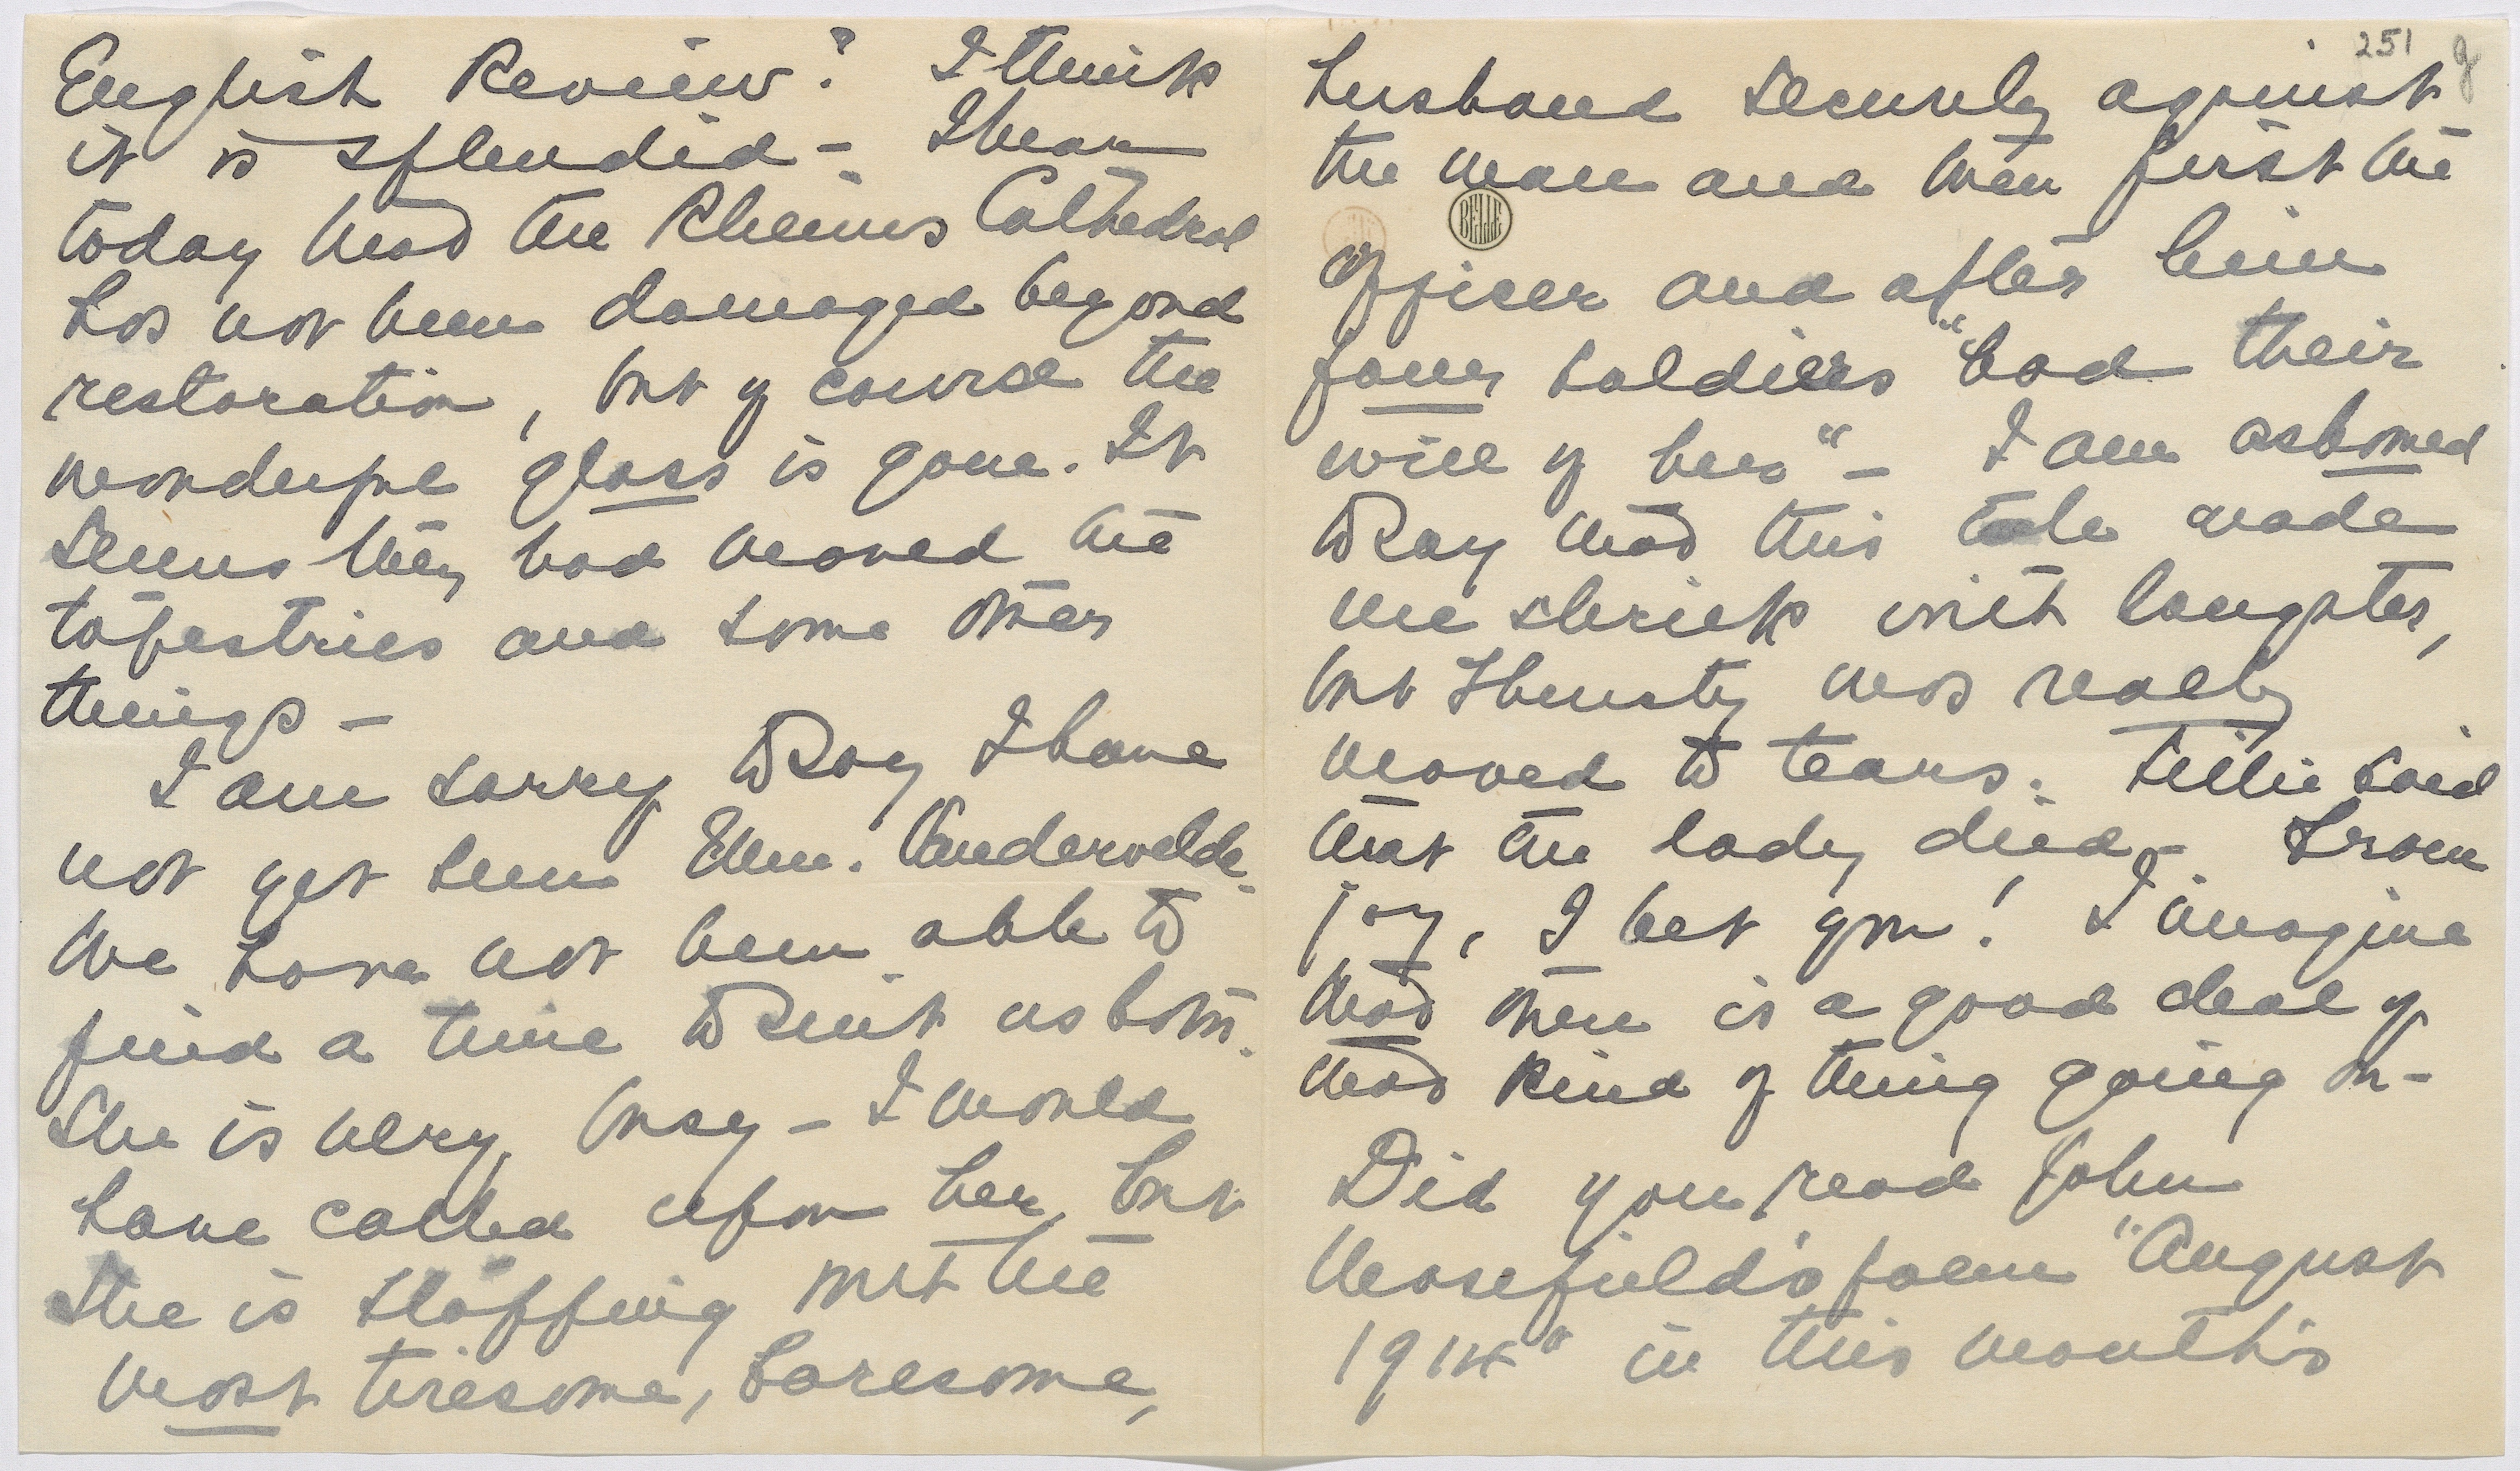husband securely against the wall and then first the officer and after him four soldiers “had their will of her” – I am ashamed to say that this tale made me shriek with laughter, but Thursty was really moved to tears. Tillie said that the lady died – from joy, I bet you! I imagine that there is a good deal of that kind of thing going on – Did you read John Masefield’s poem “August 1914” in this month’s
English Review? I think it is splendid – I hear today that the Rheims Cathedral has not been damaged beyond restoration, but of course the wonderful glass is gone. It seems they had moved the tapestries and some other things –
I am sorry to say I have not yet seen Mme. Vandervelde – we have not been able to find a time to suit us both. She is very busy – I would have called upon her, but she is stopping with most tiresome, boresome,